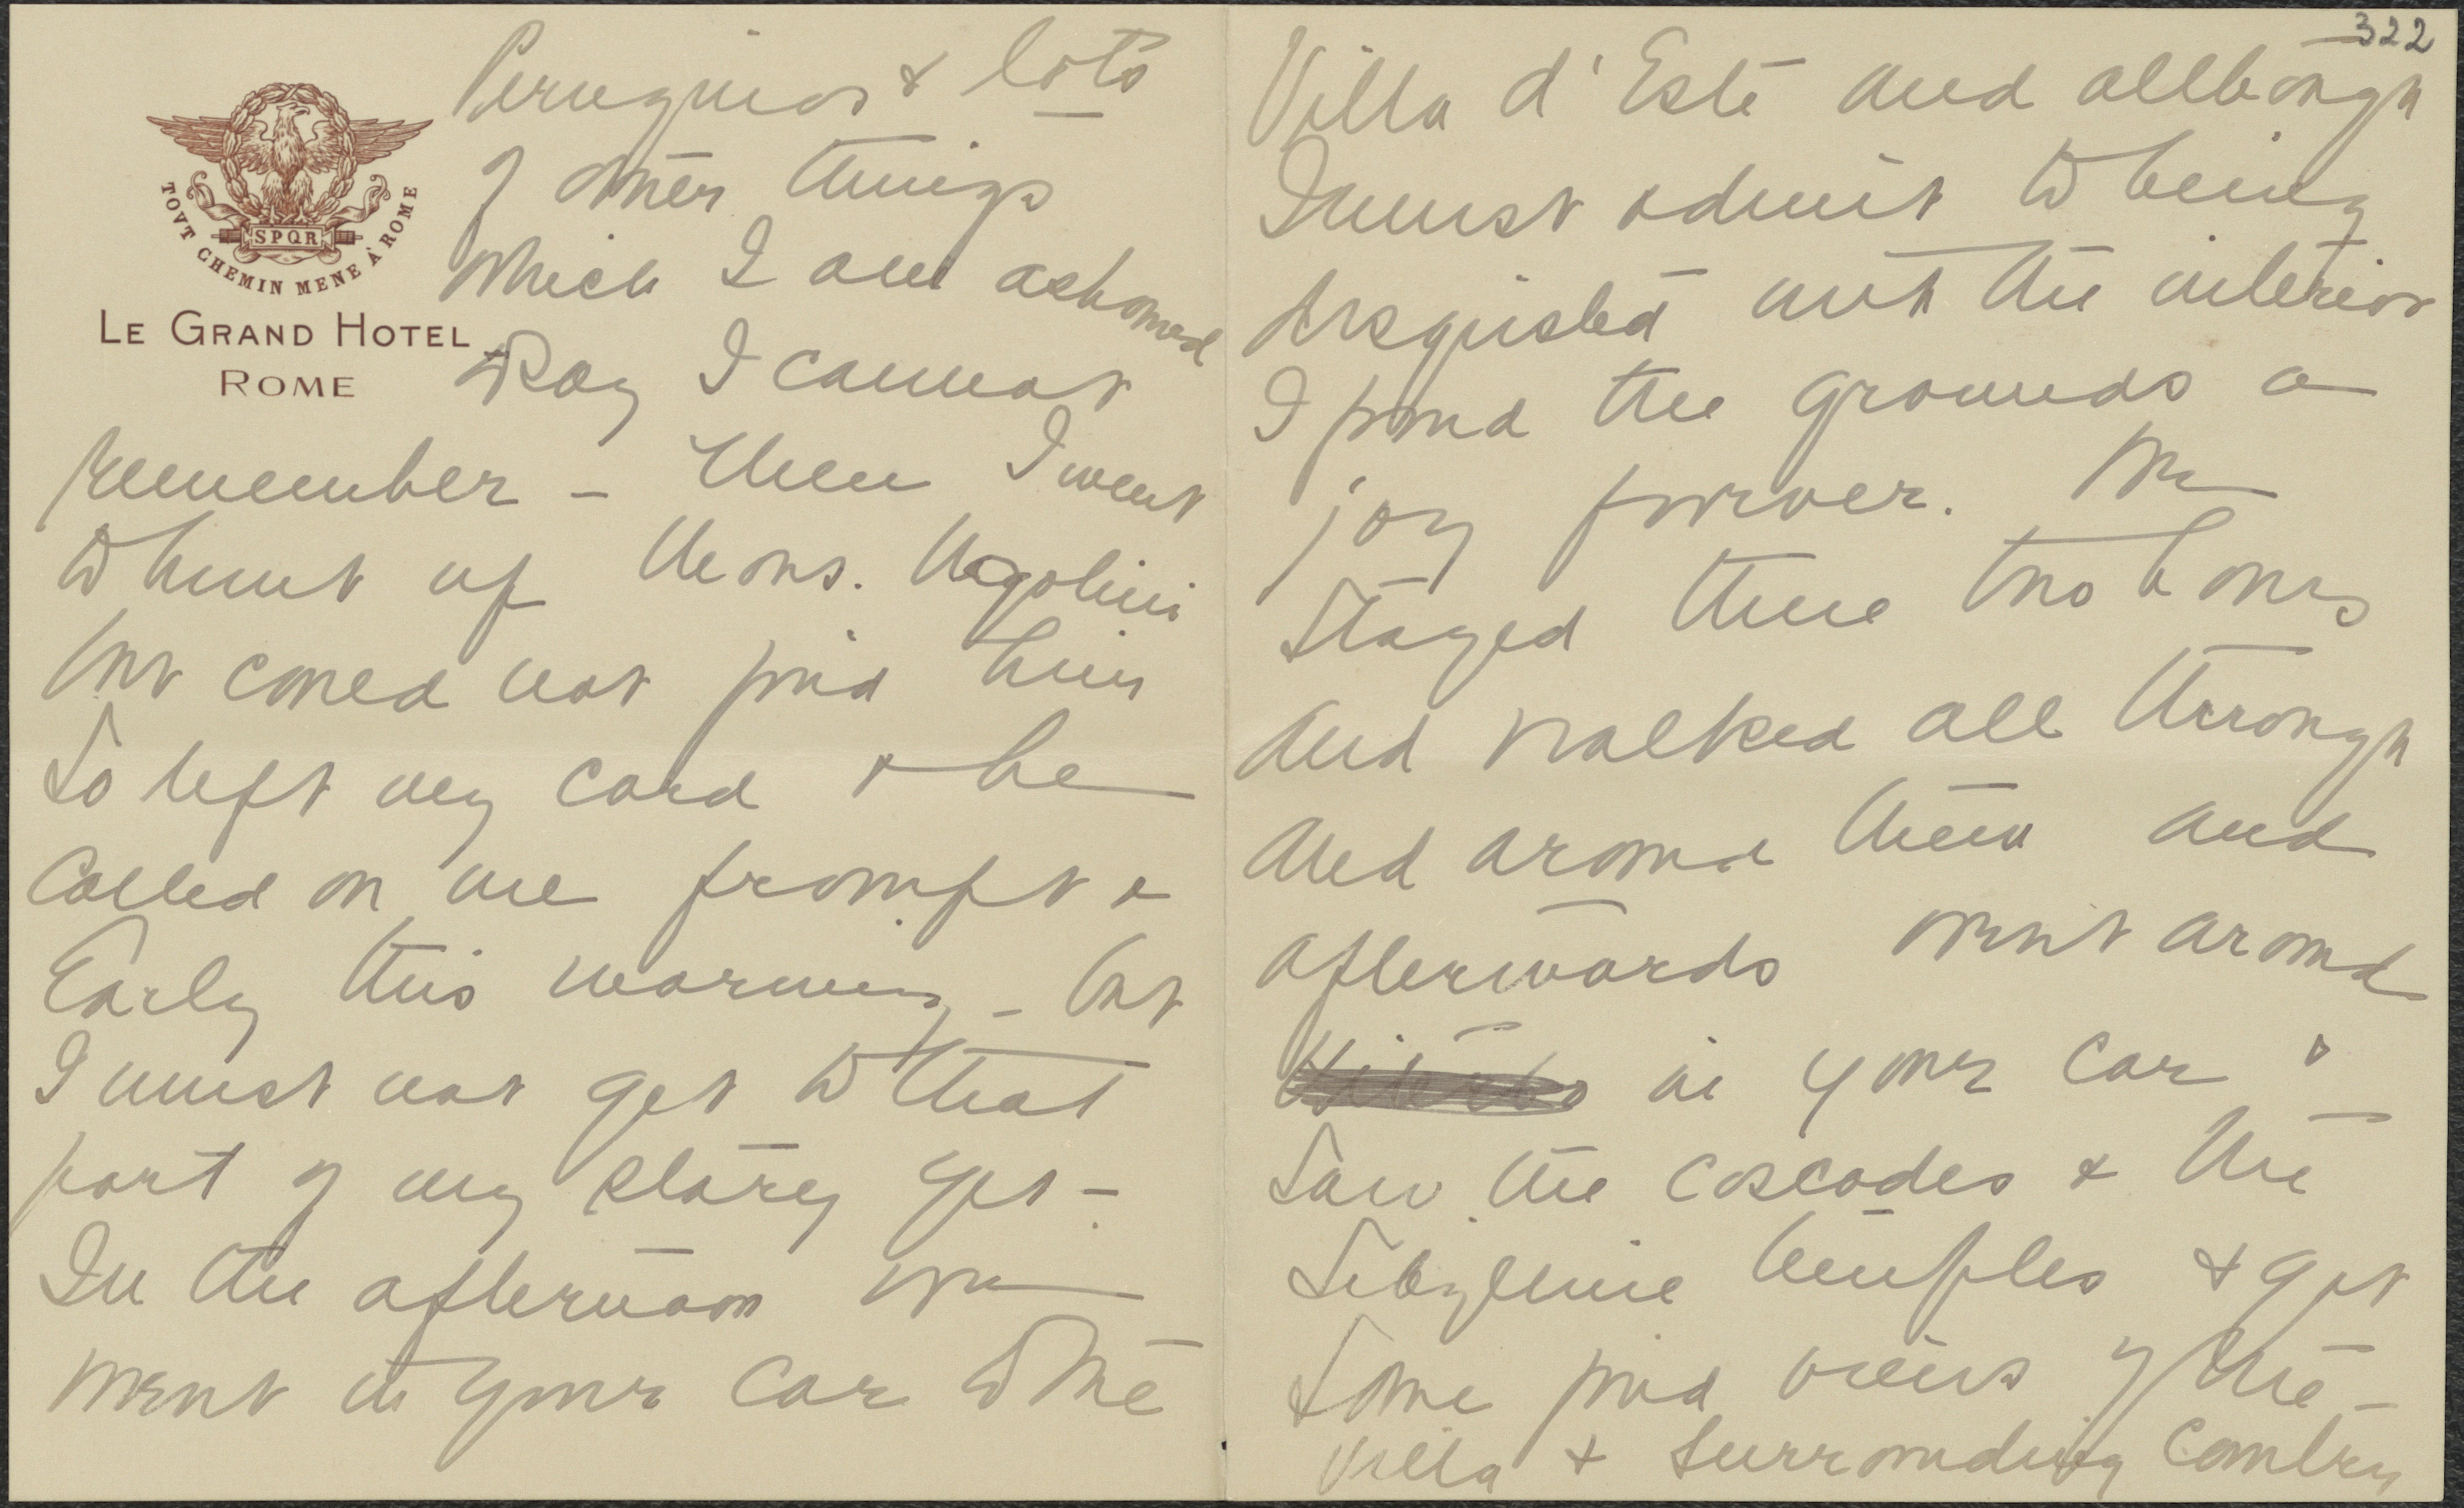Peruginos & lots of other things which I am ashamed to say I cannot remember – then I went to hunt up Mons. Ugolini but could not find him so left my card & he called on me prompt & Early this morning – but I must not get to that part of my story yet
In the afternoon we went in your car to the
Villa d’Este and although I must admit to being disgusted with the interior I found the grounds a joy forever. We stayed there two hours and walked all through and around them and afterwards went around Viterbo in your car & saw the cascades & the Sibylline temples & got some fine views of the villa & surrounding country